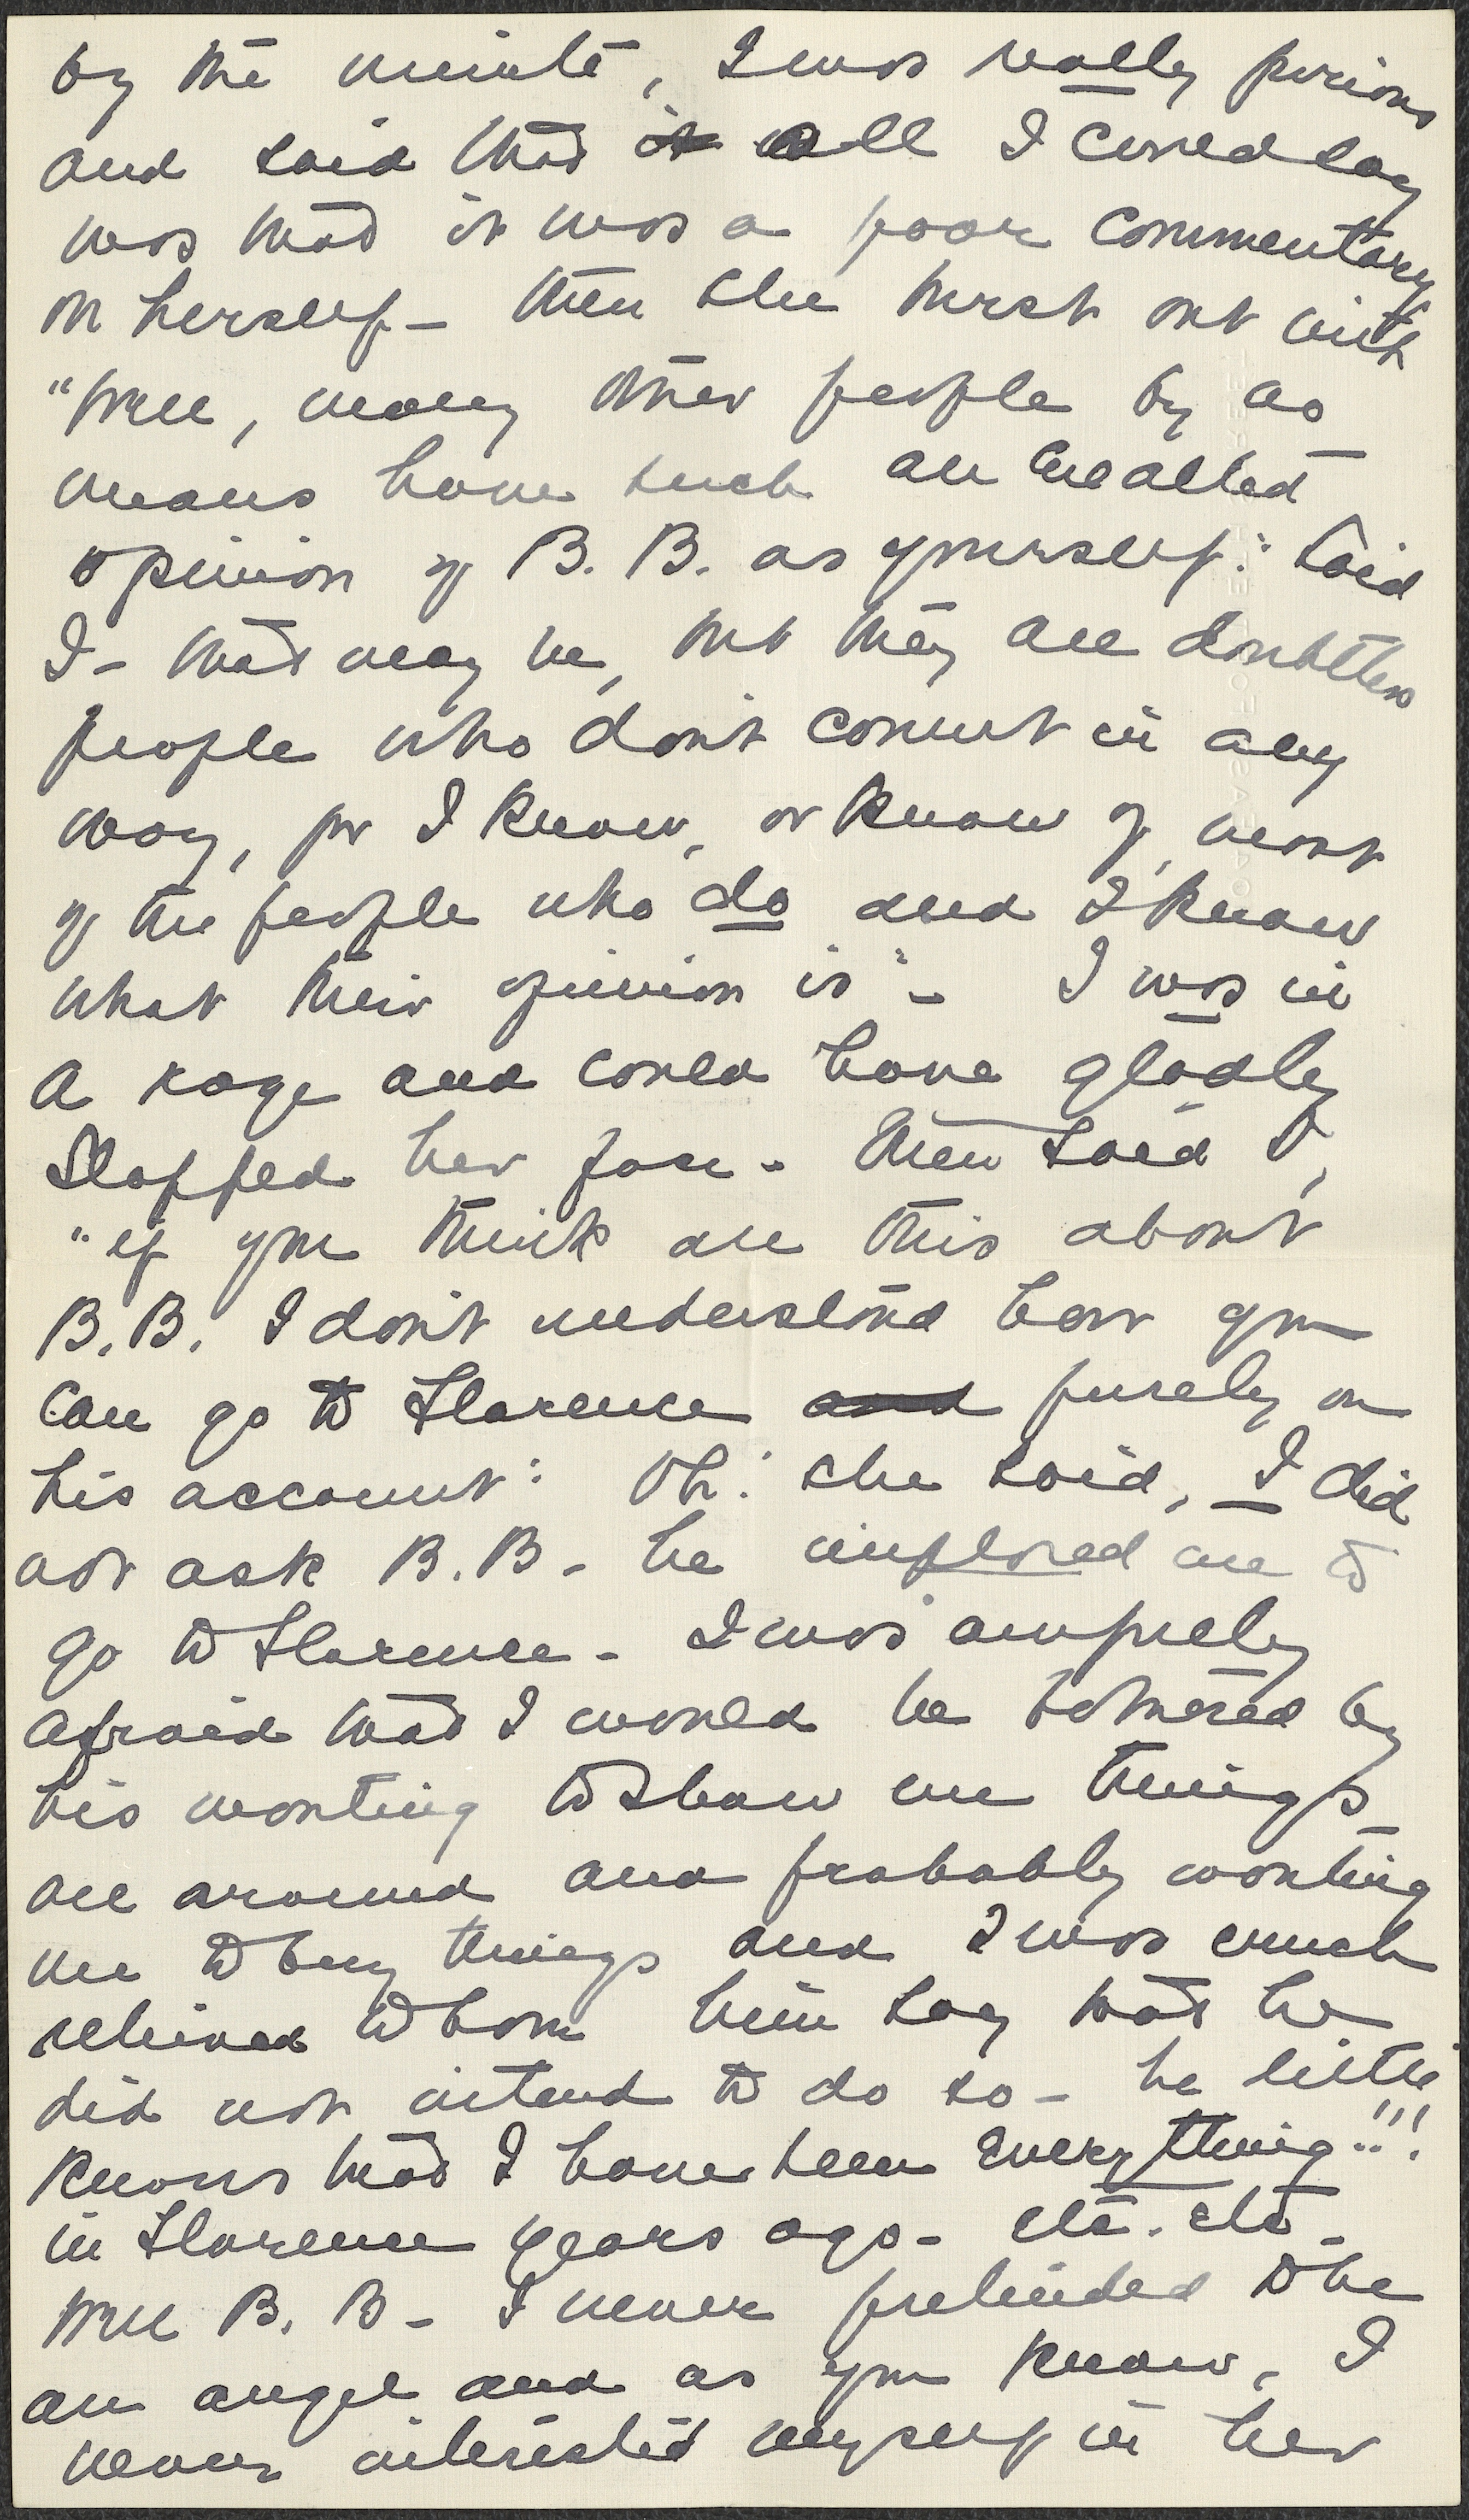by the minute, I was really furious and said that it all I could say was that it was a poor commentary on herself – then she burst out with “Well, many other people by no means have such an exalted opinion of B.B. as yourself.” said I – that way be, but they are doubtless people who don’t count in any way, for I know, or know of most of the people who do and I know what their opinion is” – I was in a rage and could have gladly slapped her face – Then said I, “If you think all this about B.B. I don’t understand how you can go to Florence and purely on his account” Oh! she said, I did not ask B.B. – he implored me to go to Florence – I was awfully afraid that I would be bothered by his wanting to show me things all around and probably wanting me to buy things and I was much relieved to have him say that he did not intend to do so – he little knows that I have seen everything!!! in Florence years ago – etc. etc.
Well B.B. – I never pretended to be an angel and as you know, I never interested myself in her